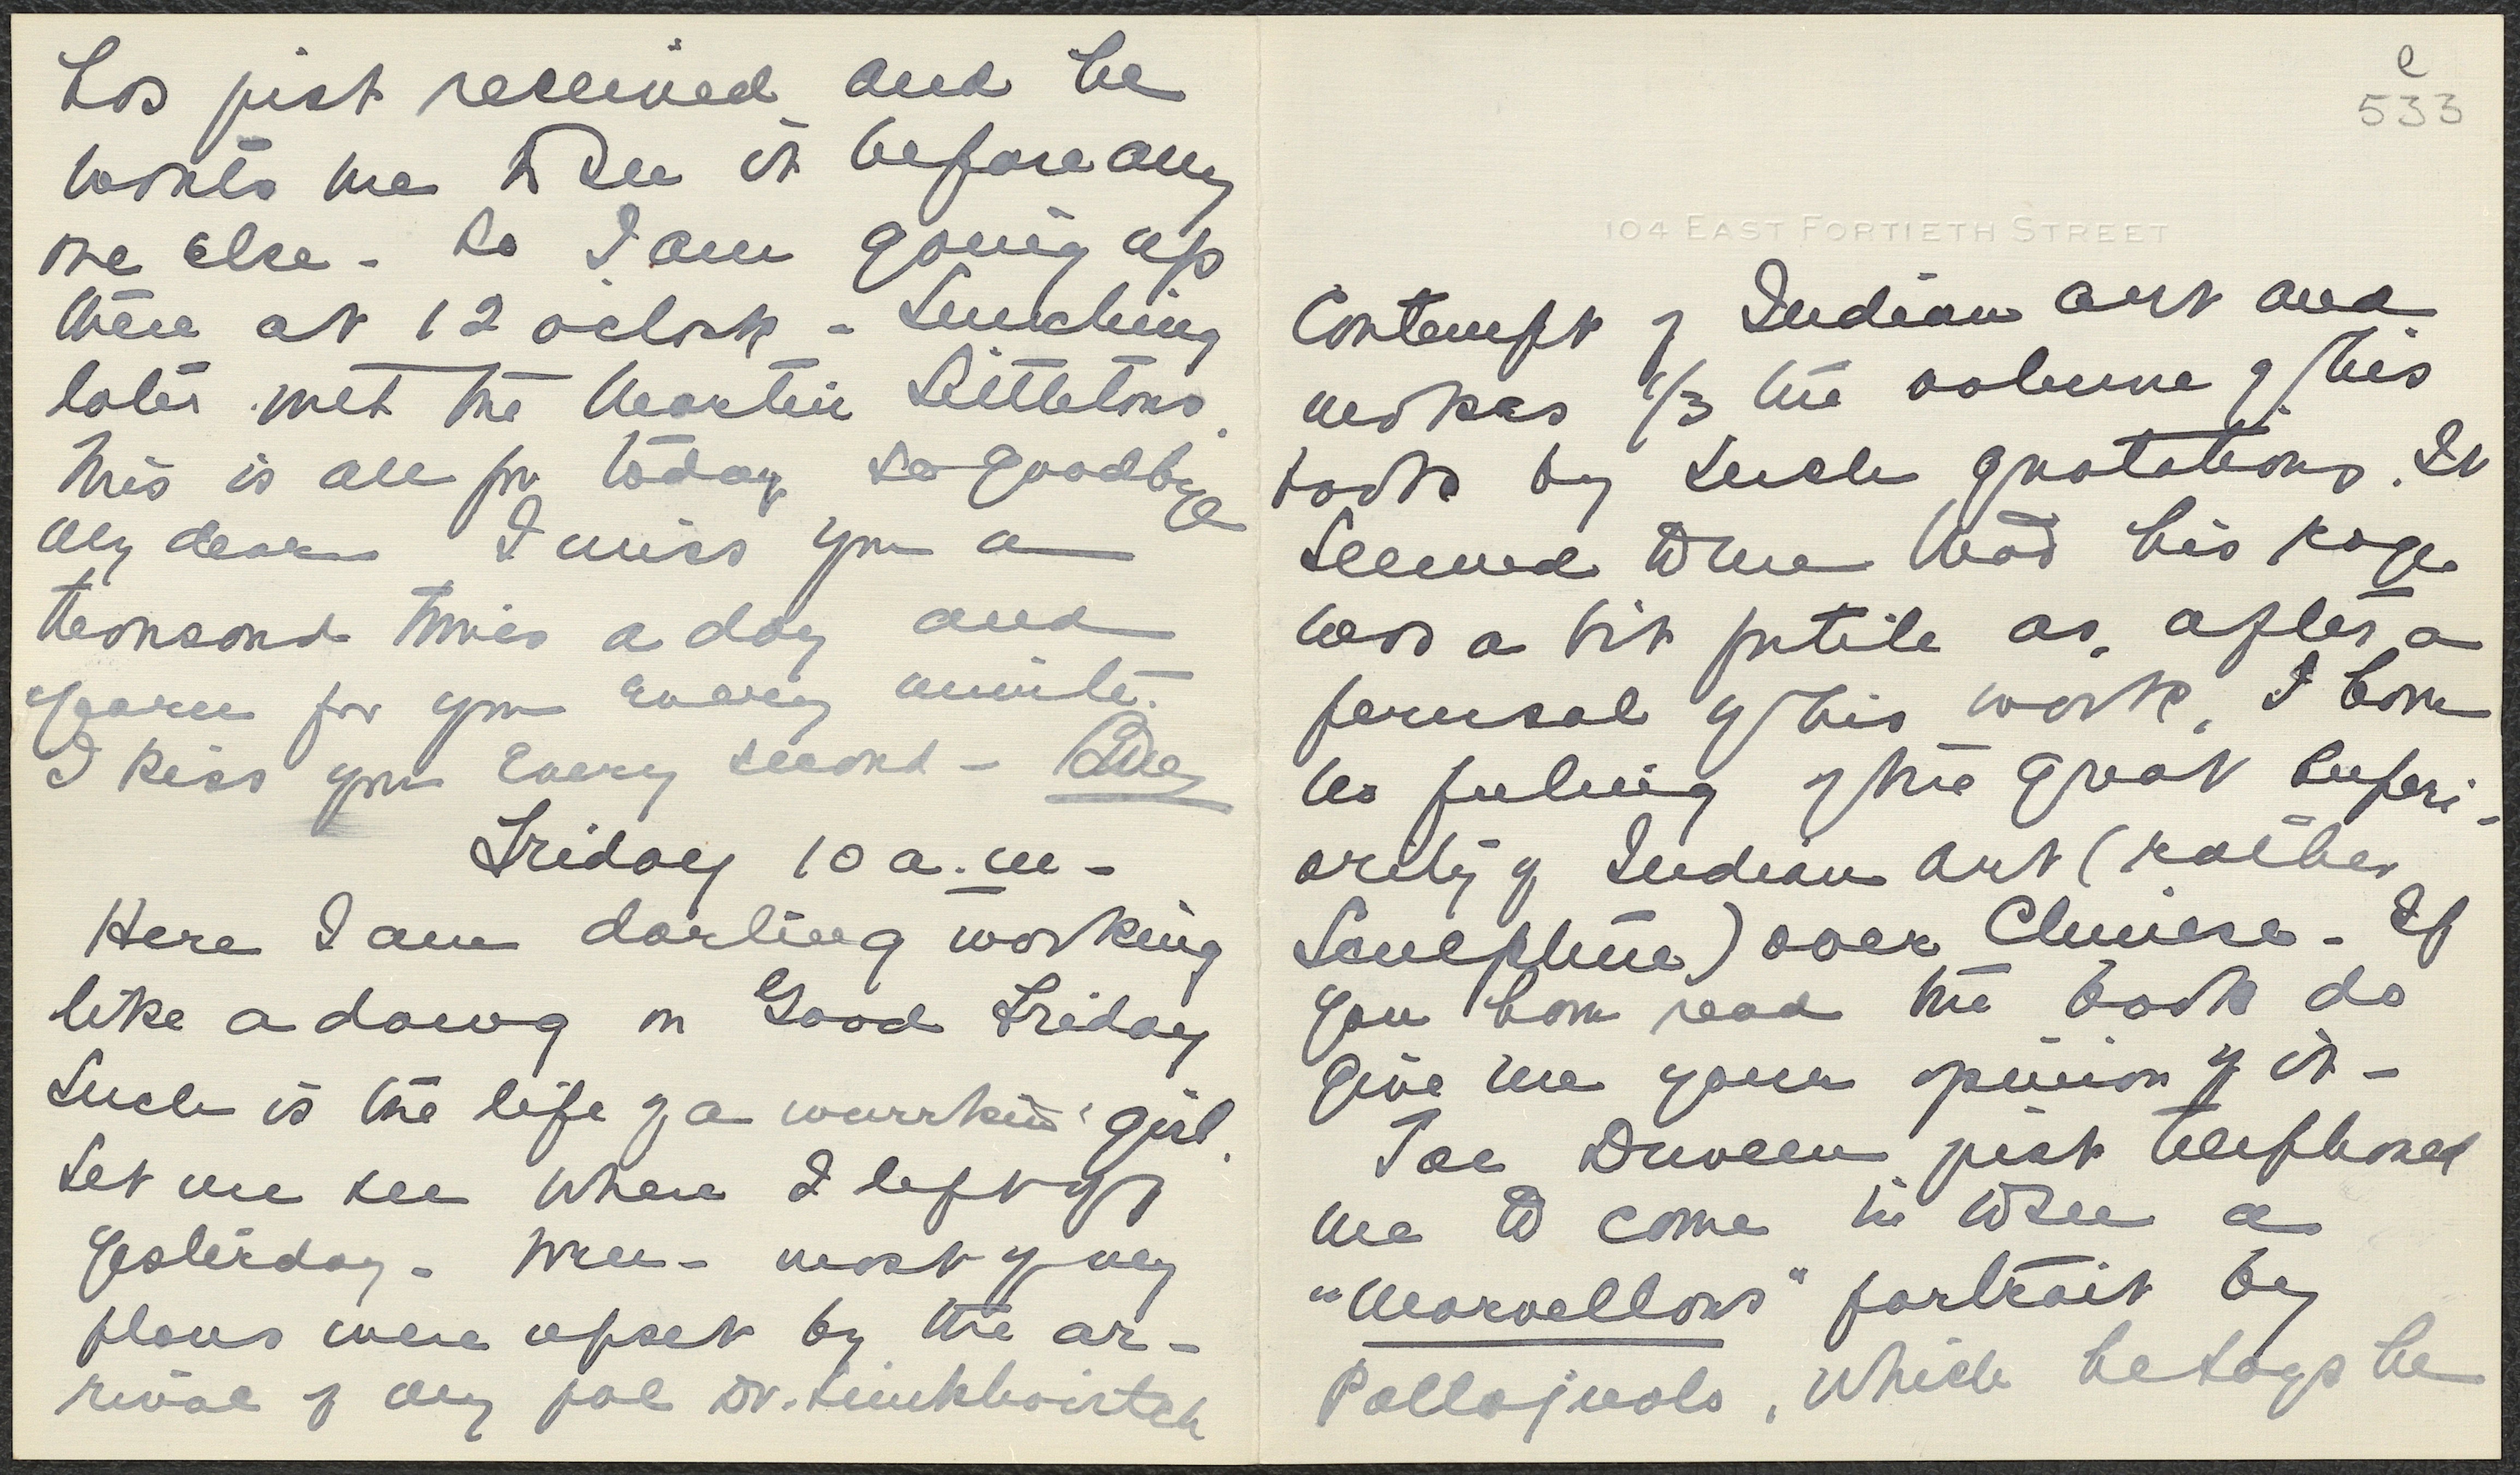contempt of Indian art and makes ⅓ the volume of his book by such quotations. It seemed to me that his rage was a bit futile as after a perusal of his work, I have no feeling of the great superiority of Indian art (rather sculpture) over Chinese – If you have read the book do give me your opinion of it –
Joe Duveen just telephoned me to come in to see a “marvellous” portrait by Pollaiuolo, which he says he
has just received and he wants me to see it before anyone else – so I am going up there at 12 o’clock – lunching later with the Martin Littletons. This is all for today so goodbye my dear – I miss you a thousand times a day and yearn for you every minute. I kiss you every second – Belle
Friday 10 a.m –
Here I am darling working like a dawg on Good Friday Such is the life of a wurrkin’ girl. Let me see where I left off yesterday – Well – most of my plans were upset by the arrival of my pal Dr. Simkhovitch